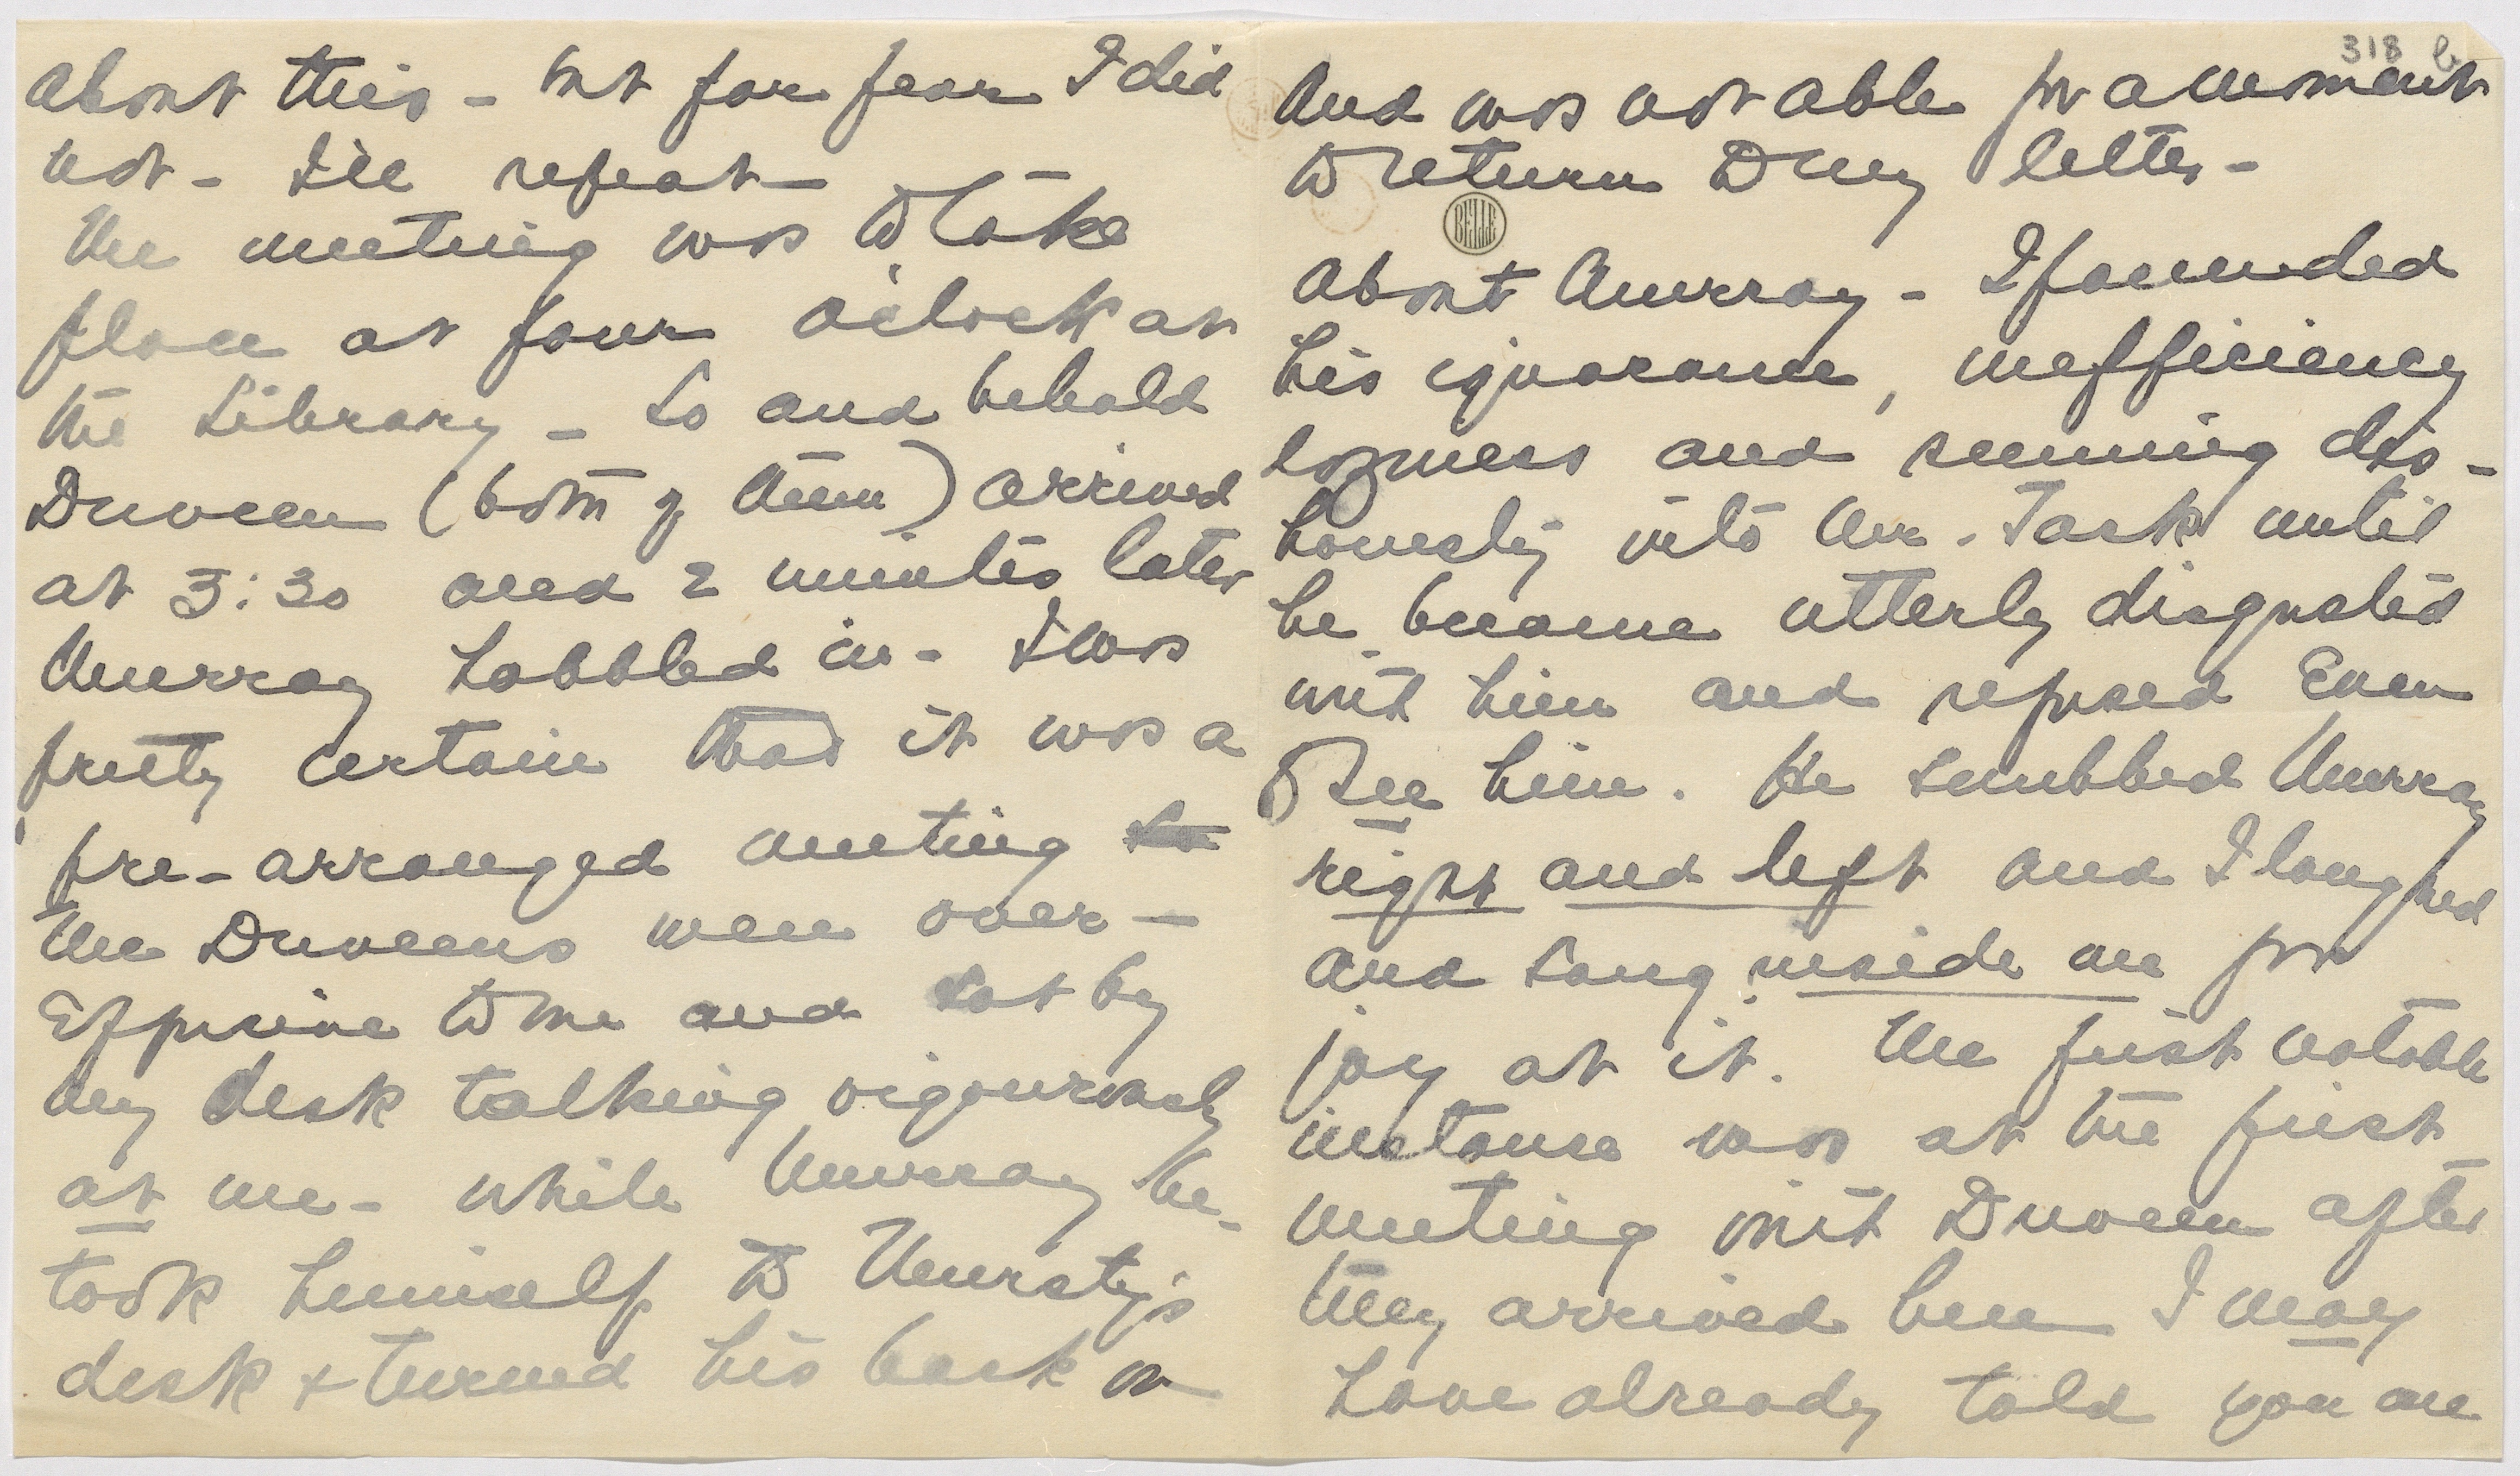and was not able for a moment to return to my letter –
About Murray – I pownded [sic] his ignorance, inefficiency, laziness and seeming dishonesty into Mr. Jack until he became utterly disgusted with him and refused even to see him. He scrubbed Murray right and left and I laughed and sang inside me for joy at it. The first notable instance was at the first meeting with Duveen after they arrived here – I may have already told you all
about this – but for fear I did not – I’ll repeat –
The meeting was to take place at four o’clock at the Library – Lo and behold Duveen (both of them) arrived at 3:30 and 2 minutes later Murray hobbled in – I was pretty certain that it was a pre-arranged meeting so
The Duveens were over-effusive to me and sat by my desk talking vigorously at me – While Murray betook himself to Thursty’s desk & turned his back on